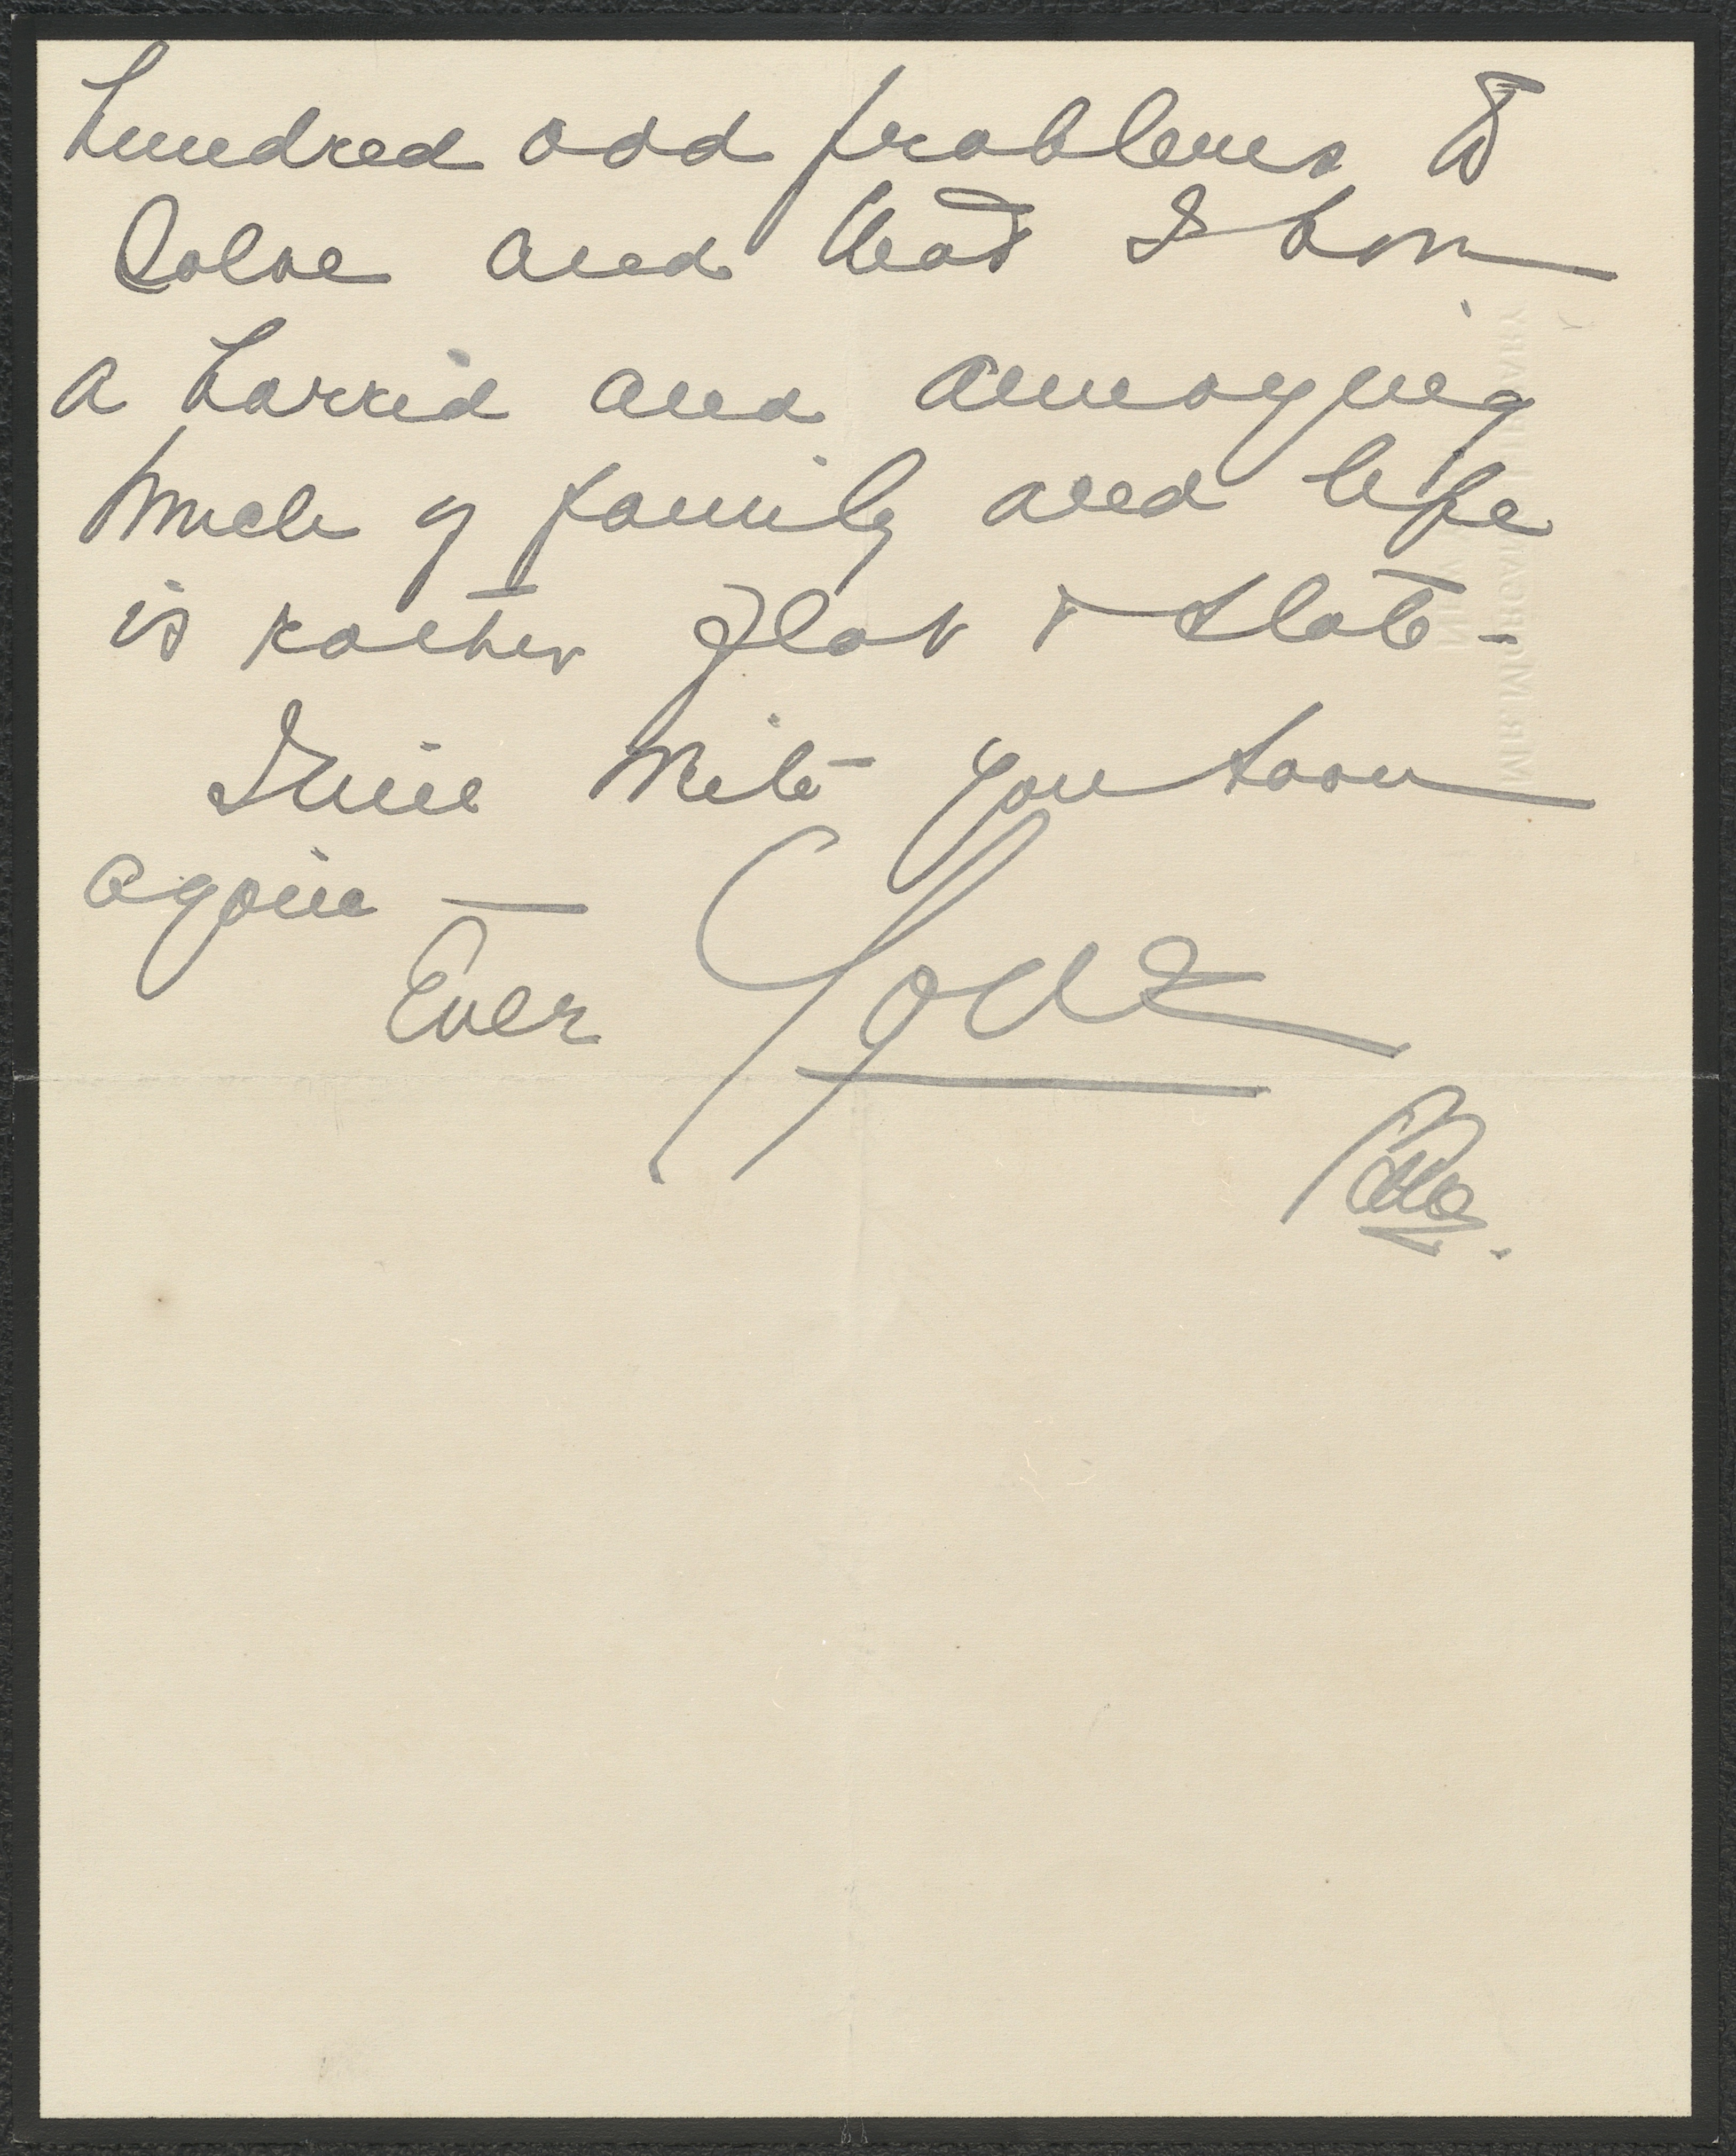hundred odd problems to solve and that I have a horrid and annoying bunch of family and life is rather flat & stale –
I will write you soon again –
Ever Your
Belle